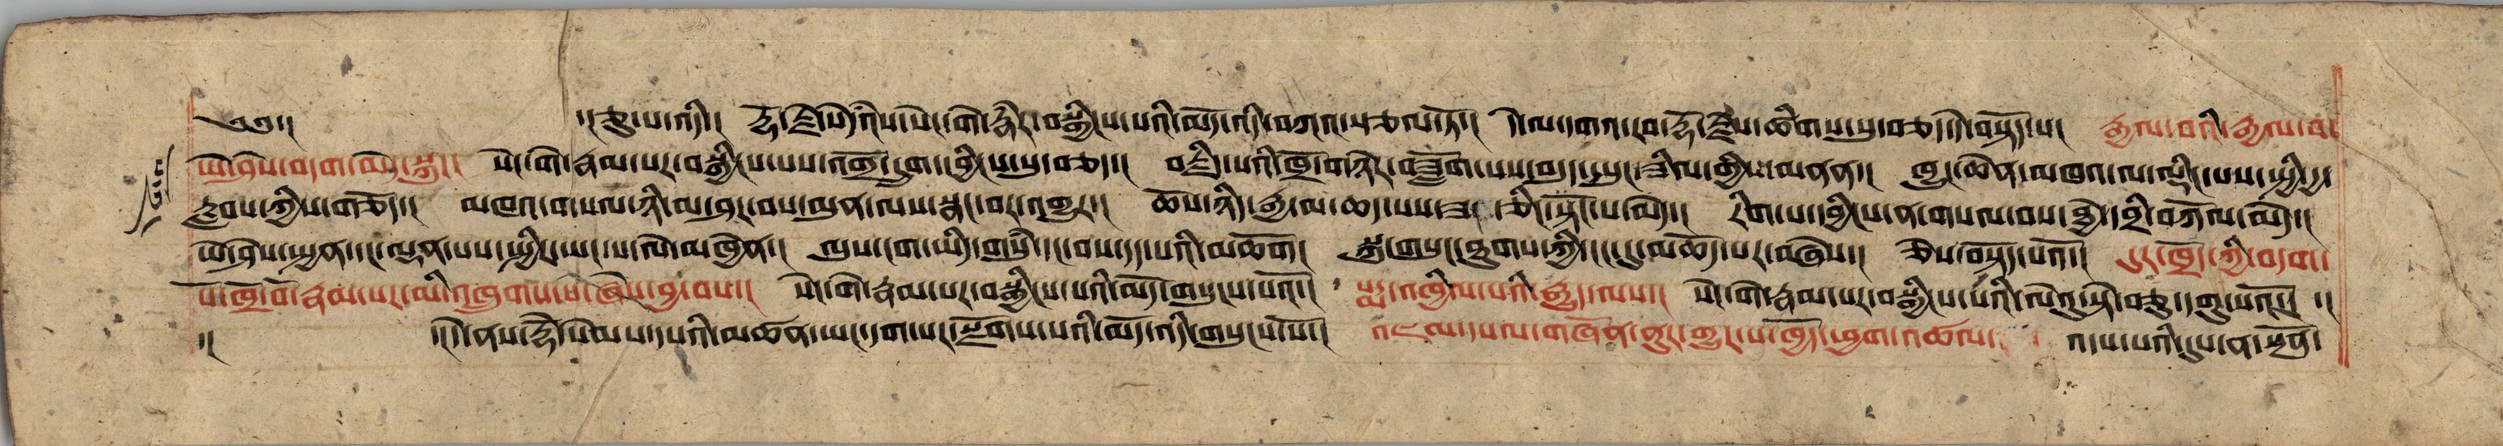༄༅་། ་།ཅུ་པ་འདི་། རྡོ་རྗེ་སེདཾའས་སེང་གེ་རྣཾར་བསྒྱིངས་པའི་མདོ་འདི་བཀའ་སྩལ་ཏོ་། དེ་ལ་དགའ་རབ་རྡོ་རྗེས་ཚིགས་སུ་བཅད་དེ་བསྟོད་པ། རྒྱལ་བའི་རྒྱལ་བ་
ཡེ་ཤེས་བདག་མེད་སྐུ་། སེང་གེ་རྣམ་པར་བསྒྱིངས་པས་འགྲོ་དྲུག་དབྱིངས་སུ་བཅད་། བརྗིད་པའི་ཁྲོ་གཉེར་བཟློག་པས་བདུད་དཔུང་ཟིལ་གྱིས་མནན་། ཁྱུང་ཆེན་མཁའ་ལ་ལྡིང་པས་སྤྱི་དྱ་
རླབས་ཀྱིས་གཅོད་། མཁའ་གསལ་ཉི་མ་ཤར་བས་མུན་ལས་སྣང་བར་འགྱུར་། ཆོས་ཉིད་རྒྱ་མ་ཆད་པས་ཟད་ཅིང་སྟོང་པ་མེད་། རིག་པ་དབྱིངས་ན་གསལ་བས་ཐྱེ་དབྲི་བཀོལ་མེད་།
ཡེ་ཤེས་སྤྱན་དང་ལྡན་པས་སྤྱིར་ཡང་ས་ལེ་མཁྱེན་། ལུས་ངག་ཡིད་གསུཾ་དང་བས་དད་པའི་མཆོག། སྐུ་གསུང་ཐུགས་ཀྱི་ངང་དུ་མཆོད་པར་བཞེས་། ཅེས་བསྟོད་པའི་། དུར་ཁྲོད་ཀྱི་བདག་
པོ་ཁྲོ་བོ་རྣམ་པར་མི་འཁྲུགས་པ་ཞེས་བྱ་བས་། སེང་གེ་རྣམ་པར་བསྒྱིངས་པའི་མདོ་གསུངས་པའོ་། པདྨ་འཁྱིལ་པའི་རྒྱུད་ལས་། སེང་གེ་རྣམ་པར་བསྒྱིངས་པའི་ལེའུ་སྟེ་བཅུ་དགུ་པའོ་།
་།དེ་ནས་རྡོེ་སེམས་དཔའི་མཚན་ཡང་དག་པར་སྫོགས་པའི་མདོ་འདི་གསུངས་སོ་། འཇམ་དཔལ་གཞོན་ནུར་གྱུར་པ་ཁྱོད་ཕྱག་འཚལ་ འདས་པའི་དུས་ན་སྔོན་